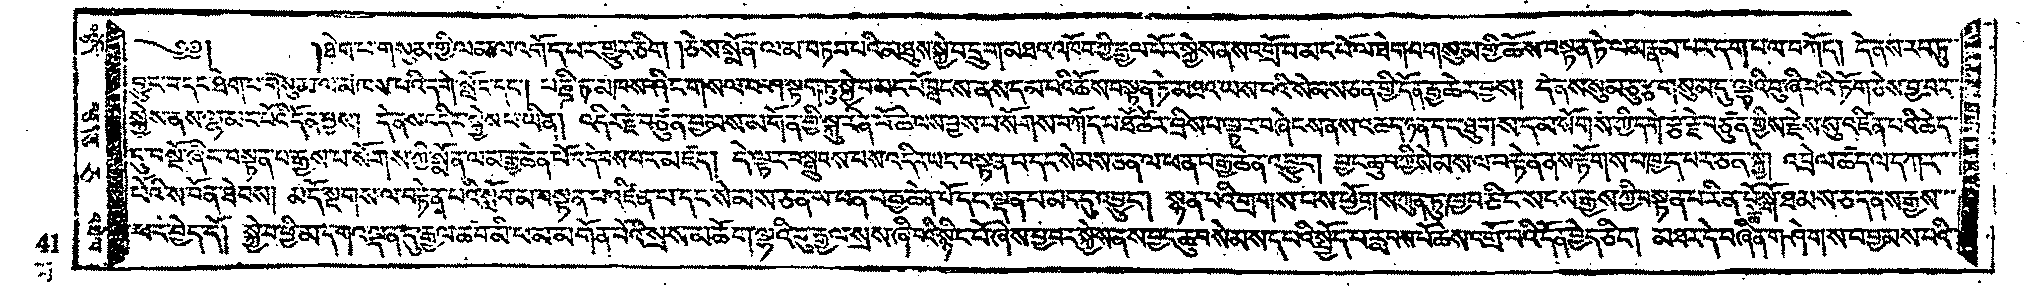༄༅། །ཐེག་པ་གསུམ་གྱི་ལམ་ལ་འགོད་པར་གྱུར་ཅིག །ཅེས་སྨོན་ལམ་བཏབ་པའི་མཐུས་སྐྱེ་བ་དྲུག་མཐའ་འཁོབ་ཀྱི་རྒྱལ་པོར་སྐྱེས་ནས་འགྲོ་བ་མང་པོ་ལ་ཐེག་པ་གསུམ་གྱི་ཆོས་བསྟན་ཏེ་ལམ་རྣམ་པར་དག་པ་ལ་བཀོད། དེ་ནས་རབ་ཏུ་
བྱུང་བ་དང་ཐེག་པ་གསུམ་ལ་མཁས་པའི་དགེ་སློང་དང་། པཎྜི་ཏ་མཁས་ཤིང་གསལ་བ་ཤ་སྟག་ཏུ་སྐྱེ་བ་མང་པོ་བླངས་ནས་དམ་པའི་ཆོས་བསྟན་ཏེ་མཐའ་ཡས་པའི་སེམས་ཅན་གྱི་དོན་རྒྱ་ཆེར་བྱས། དེ་ནས་སུམ་ཅུ་རྩ་གསུམ་དུ་ལྷའི་བུ་ཞི་བའི་ཏོག་ཅེས་བྱ་བར་
སྐྱེས་ནས་ལྷ་མང་པོའི་དོན་བྱས། དེ་ནས་འདིར་སྐྱེས་པ་ཡིན། འདིར་རྗེ་བཙུན་བྱམས་མགོན་གྱི་སྐུ་རིན་པོ་ཆེ་ལས་བྱས་པ་སོགས་བཀོད་པ་ཐོ་ཚེར་བྲིས་པ་ལྟར་བཞེངས་ནས་འཆད་ཉན་དང་ཐུགས་དམ་སོགས་ཀྱི་དགེ་རྩ་རྗེ་བཙུན་གྱིས་རྗེས་སུ་འཛིན་པའི་ཆེད་
དུ་བསྔོ་ཞིང་བསྟན་པ་རྒྱས་པ་སོགས་ཀྱི་སྨོན་ལམ་རྒྱ་ཆེན་པོ་འདེབས་པར་མཛད། དེ་ལྟར་བསྒྲུབས་པས་འདིར་ཡང་བསྟན་པ་དང་སེམས་ཅན་ལ་ཕན་པ་རྒྱ་ཆེན་འབྱུང་། བྱང་ཆུབ་ཀྱི་སེམས་ལ་བརྟེན་ནས་རྟོགས་པ་ཁྱད་པར་ཅན་སྐྱེ། འབྲེལ་ཚད་ལ་དཀར་
པོའི་ས་བོན་ཐེབས། མདོ་སྔགས་ལ་བརྟེན་པའི་སློབ་མ་བསྟན་པ་འཛིན་པ་དང་སེམས་ཅན་ལ་ཕན་པ་རྒྱ་ཆེན་པོ་དང་ལྡན་པ་མང་དུ་འབྱུང་། སྙན་པའི་གྲགས་པས་ཕྱོགས་ཀུན་ཏུ་ཁྱབ་ཅིང་སངས་རྒྱས་ཀྱི་བསྟན་པ་རིན་པོ་ཆེ་སྒོ་ཐམས་ཅད་ནས་རྒྱས་
པར་བྱེད་དོ། སྐྱེ་བ་ཕྱི་མ་དགའ་ལྡན་དུ་རྒྱལ་ཚབ་མི་ཕམ་མགོན་པོའི་སྲས་མཆོག་ལྷའི་བུ་རྒྱལ་སྲས་ཞི་བའི་སྙིང་པོ་ཞེས་བྱ་བར་སྐྱེས་ནས་བྱང་ཆུབ་སེམས་དཔའི་སྤྱོད་པ་རླབས་པོ་ཆེས་འགྲོ་བའི་དོན་བྱེད་ཅིང་། མཐར་དེ་བཞིན་གཤེགས་པ་བྱམས་པའི་